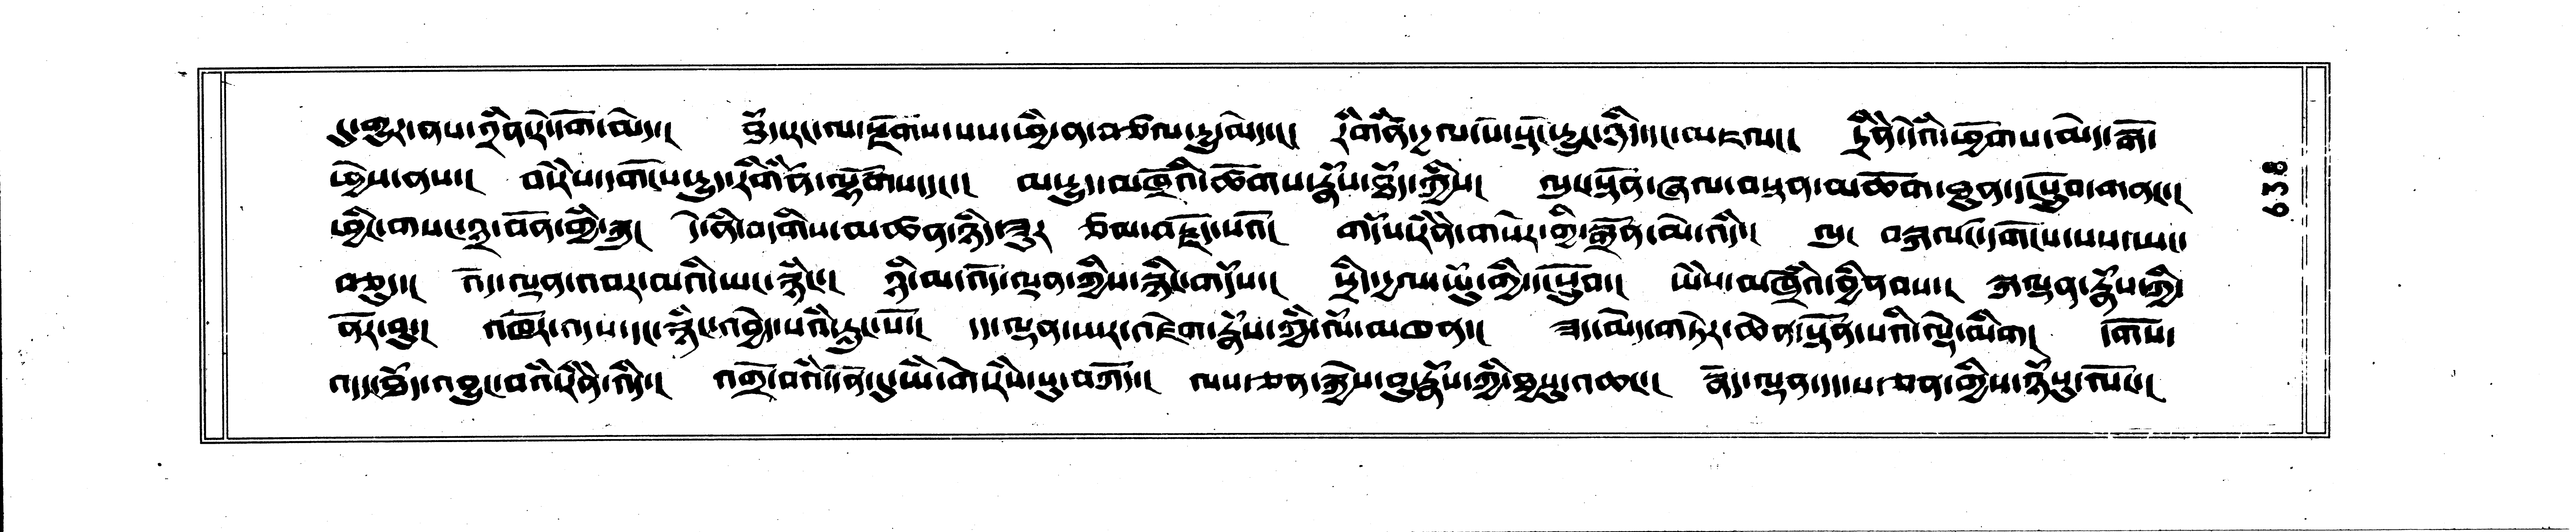༼མངོན་དུ་གྱུར་ནས༽ལྷུན་གྱིས་གྲུབ་པར་གཉིས་འཛིན་རེ་དོག་མེད། ཐམས་ཅད་རང་ལ་རྫོགས་པས་ཕྱི་ནས་བརྩལ་རྒྱུ་མེད། རིག་འཛིན་རྒྱལ་པོ་སྟོང་རྒྱུང་ཉིད་དང་མཇལ། དྲིན་ཅན་དེའི་ཕྱོག་མེད་སྒོ་
ཕྱེས་ནས། བདེར་བཤེགས་དགོངས་རྒྱུད་རིག་འཛིན་ལྷ་ཚོགས་དང་། མ་རྒྱུད་མཁའ་འགྲོའི་ཚོགས་རྣམས་ཐམས་ཅད་ཀྱིས། ལུང་སྟོན་ཞལ་སྟོན་མཆོག་ཐུན་དངོས་གྲུབ་གནང་། 
ཕྱི་ནང་གསང་གསུམ་བོན་གྱིས་དབང་རྣམས་བསྐུར། དེ་ནི་བདག་གིས་མཚན་ཉིད་ཟུར་ཙམ་བརྗོད་པའོ། གདམ་པ་རིན་ཆེན་གསེར་གྱིས་སྒྲོན་མ་འདི་སྐལ་བཟང་དགོངས་པའི་ཡང་
བཅུད། འོད་ལྡན་འབར་མའི་ཡང་སྙིང་། ཉི་མ་འོད་ལྡན་གྱི་སྙིང་གཏམ། སྲིད་རྒྱལ་ཡུམ་གྱིས་དངོས་གྲུབ། ཡེ་ཤེས་མཁའ་འགྲོའི་བྱིན་རླབས། སྐལ་ལྡན་རྣམས་ཀྱི་
ནོར་བུ། འཁོར་འདས་དངས་སྙིག་འབྱེད་པའི་རླུང་པོ། དད་ལྡན་ཡར་འཛེགས་རྣམས་ཀྱིས་ལམ་མཁན། ཟག་༼ཟད༽མེད་གཏེར་ཆེན་སྟོན་པའི་ལྡེ་མིག དགོས་
འདོད་ཐམས་ཅད་འབྱུང་པའི་རིན་ཆེན་འདི། འགྲོ་བའི་དོན་དུ་ཡི་གེར་རིས་སུ་བཀོད། ལས་ཅན་སྐྱེས་བུ་རྣམས་གྱིས་ཐུགས་སུ་འཆོང་། སྣོད་ལྡན་དད་པ་ཅན་གྱིས་ཉམས་སུ་ལོངས།